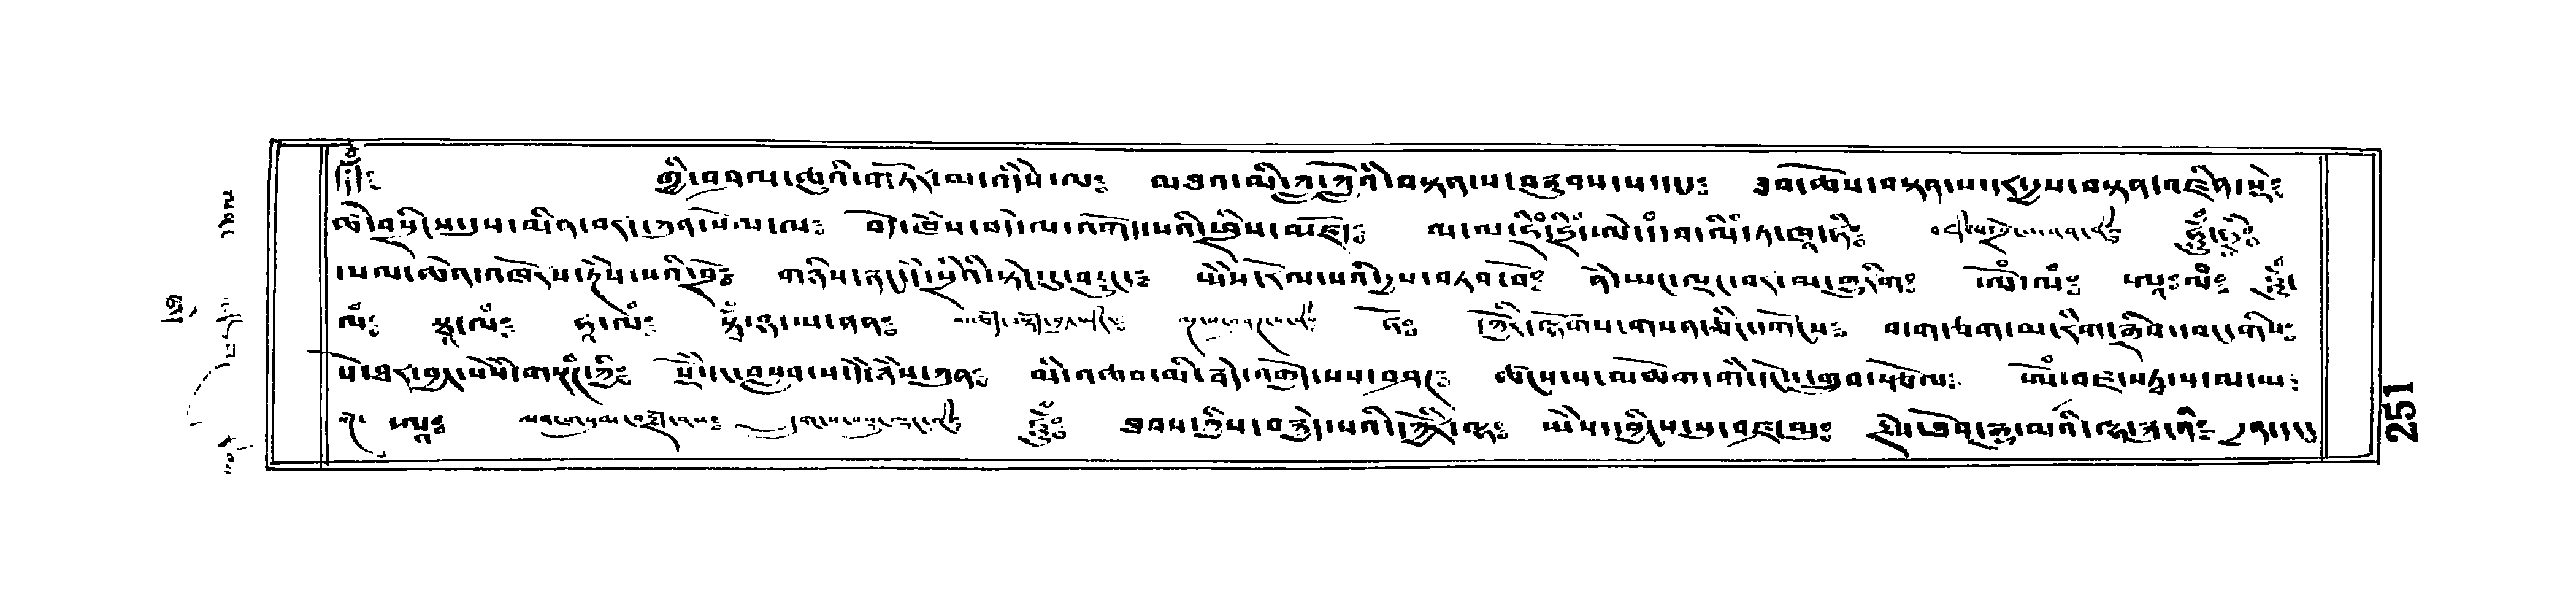གྱི་བཤལ་ཆུའི་གཏོར་མ་འདི་བཞེས་ལ༔ མཐའ་མི་ཀླ་ཀློའི་བསྟན་པ་བསྣུབ་པ་དང༔ ཟབ་ཆོས་བསྟན་པ་དར་རྒྱས་བསྟན་འཛིན་སྡེའི༔ 
ཚེ་བསྲིངས་དུས་མིན་བར་ཆད་ཀུན་སོལ་ལ༔ བོད་ཁམས་བདེ་ལ་འགོད་པའི་ཕྲིན་ལས་མཛོད༔ མ་མ་ཧྲིཾ་ཧྲིཾ་ཨི་དཾ་བ་ལིཾ་ཏ་ཁཱ་ཧི༔ བཞི་པ་བྲོ་མནན་ནི༔ ཧཱུྃ་ཧྲཱིཿ 
དཔལ་ཆེན་འཁོར་བཅས་རྔམས་པའི་བྲོ༔ གཉིས་སྣང་དམ་སྲིའི་སྟེང་དུ་བརྡུང༔ ཡེ་ཤེས་རོལ་པའི་རྒྱས་བཏབ་བོ༔ ནམ་ཡང་ལྡང་བར་མ་གྱུར་ཅིག༔ ཨོཾ་ལཾ༔ ཨཱཿལཾ༔ ཧཱུྃ་
ལཾ༔ སྭཱ་ལཾ༔ ཧཱ་ལཾ༔ སྟྭྃ་བྷ་ཡ་ནན༔ མཆོད་བསྟོད་བྱ་ཞིང༔ ལྔ་པ་བཤགས་པ་ནི༔ ཧོཿ དཀྱིལ་འཁོར་ལྷ་ཚོགས་གསན་ཅིང་དགོངས༔ བདག་ཅག་མ་རིག་སྒྲིབ་དབང་གིས༔ 
སོ་ཐར་བྱང་སེམས་གསང་སྔགས་ཀྱི༔ སྡོམ་དང་བསླབ་པ་དམ་ཉམས་ཀུན༔ མི་འཆབ་མི་སྦེད་འགྱོད་པས་བཤགས༔ ཚངས་པ་མཆོག་གི་དངོས་གྲུབ་སྩོལ༔ཨོཾ་བཛྲ་སཏྭ་ས་མ་ཡ༴ སོགས༔ 
ཨཱཿ ལན་གསུམ་བརྗོད་ནས༔ དྲུག་པ་བསྡུ་ལྡང་ནི༔ ཧཱུྃཿ ཐབས་ཀྱིས་བསྐྱེད་པའི་དཀྱིལ་འཁོར་ལྷ༔ ཡེ་ཤེས་དབྱིངས་སུ་བཛྲ་མུ༔ རྗེས་ཐོབ་སྒྱུ་མའི་ལྷ་སྐུ་ནི༔ རྒྱན་དང་